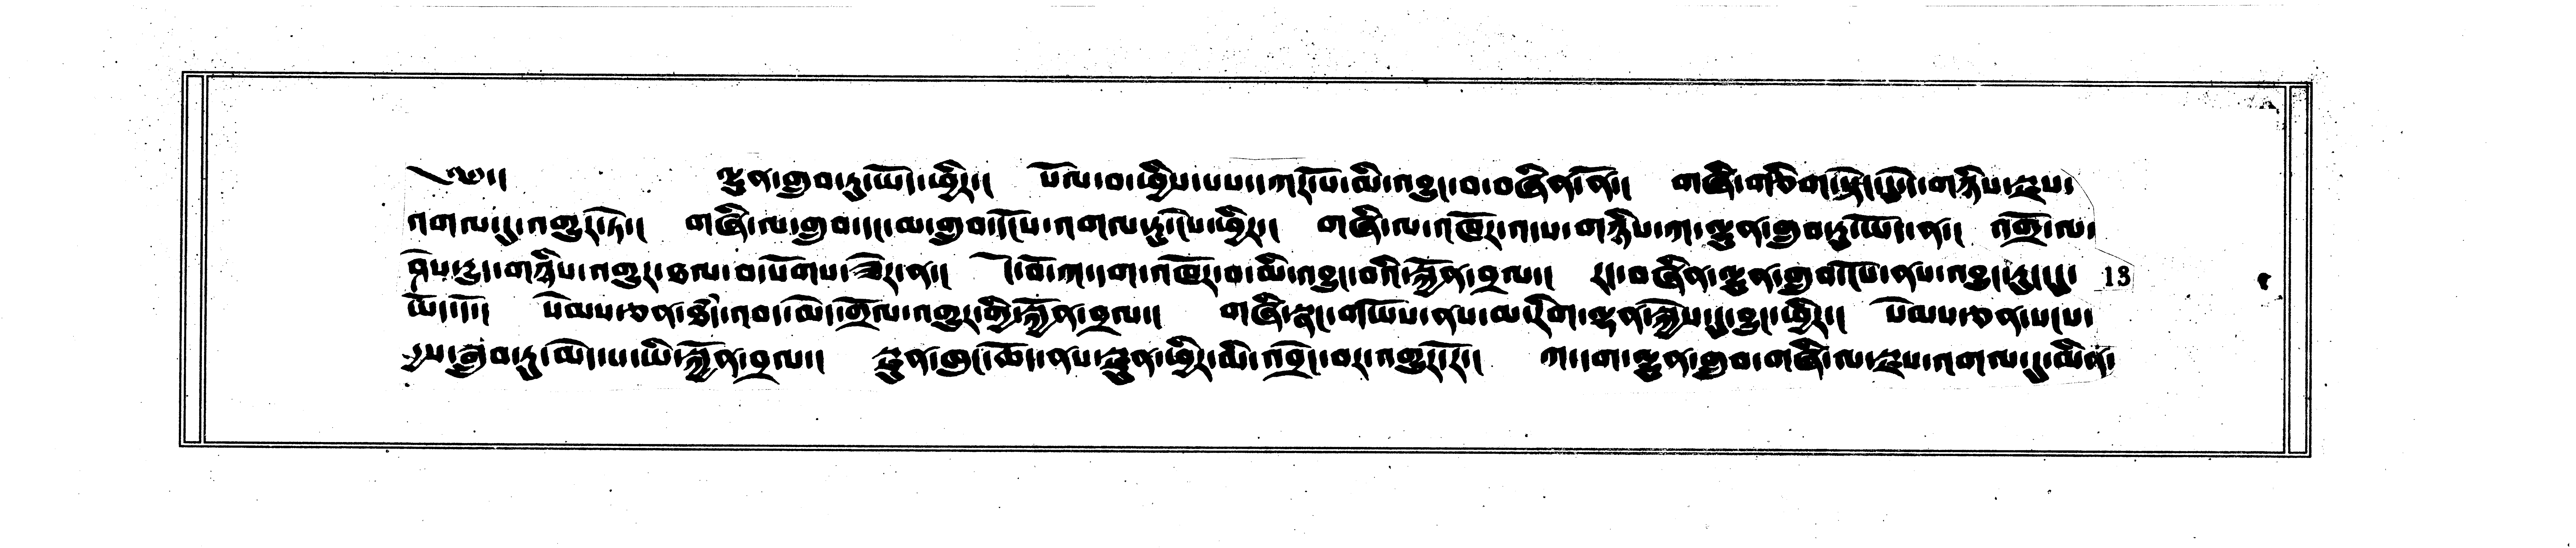ལྷུན་གྲུབ་ཏུ་ཡོད་ཕྱིར། །སོལ་བ་ཕྱིས་པས་དཀར་པོ་མི་འབྱུང་བ་བཞིན་ནོ། །གཞི་གཅིག་སྟེང་དུ་དེ་གཉིས་རྫས་
འགལ་ཏུ་འགྱུར་ཏེ། །གཞི་ལ་གྲུབ་དང་མ་གྲུབ་དངོས་འགལ་དུ་ངེས་ཕྱིར། །གཞི་ལ་འཁོར་འདས་གཉིས་ཀ་ལྷུན་གྲུབ་ཏུ་ཡོད་ན། །འགྲོ་ལ་
ཤེས་རྒྱུད་གཉིས་འགྱུར་ཐལ་བ་སོགས་ཟེར་ན། །ངོ་བོ་ཀ་དག་འཁོར་བ་མིི་འབྱུང་བའི་སྐྱོན་བྲལ། །རང་བཞིན་ལྷུན་གྲུབ་ངོས་ནས་འབྱུང་རུང་དུ་
ཡོད་དོ། །སེམས་ཅན་ཐམས་ཅད་འབད་མེད་གྲོལ་འགྱུར་གྱི་སྐྱོན་བྲལ། །
རྫུན་ཁུང་ཆོད་ནས་རྫུན་ཕྱིར་མི་འབྲེང་བར་འགྱུར་རོ། །ཀ་དག་ལྷུན་གྲུབ་གཞི་ལ་རྫས་འགལ་དུ་མིན་